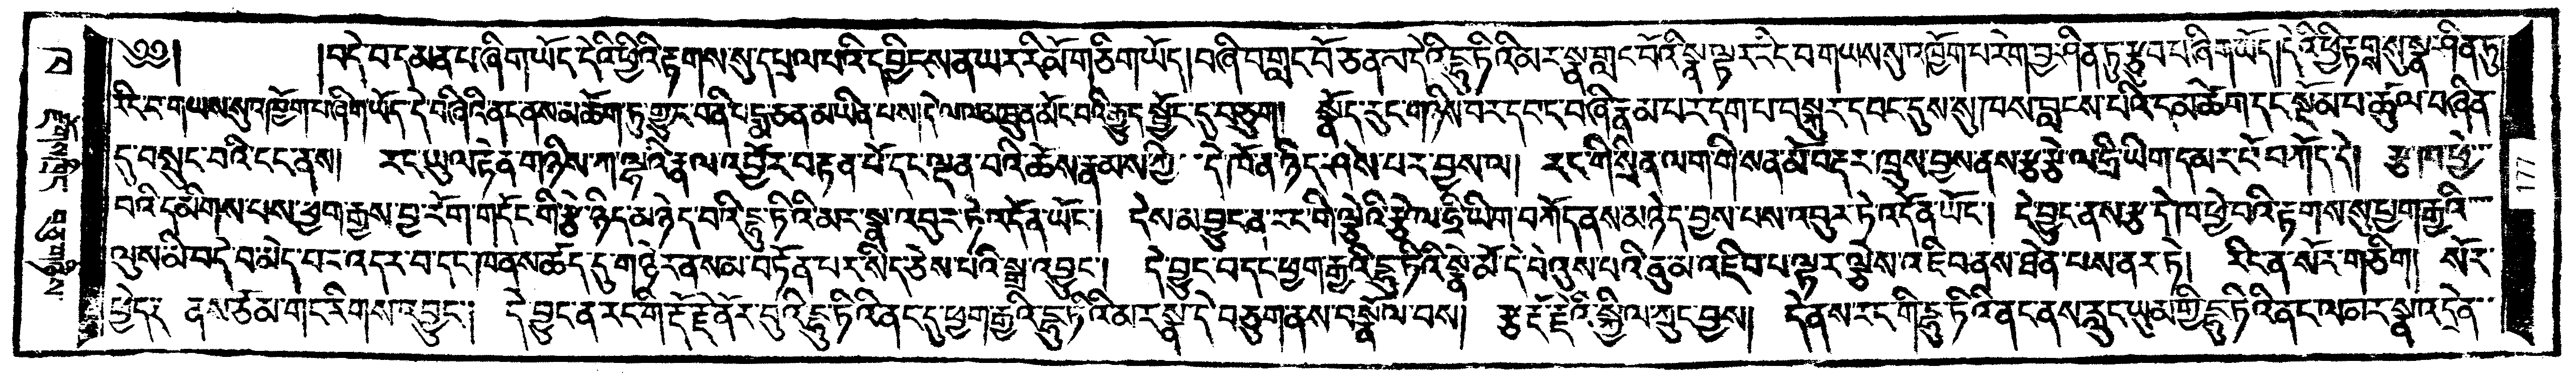༄༅། །བདེ་བ་དམན་པ་ཞིག་ཡོད་དེའི་ཕྱིའི་རྟགས་སུ་དཔྲལ་པའི་དབྱིངས་ན་ཡར་རི་མོ་གཅིག་ཡོད། བཞི་བ་གླང་པོ་ཅན་མ་དེའི་དྷུ་ཏིའི་མར་སྣ་གླང་པོའི་སྣ་ལྟར་རིང་བ་གཡས་སུ་འཁྱོག་པ་རེག་བྱ་ཤིན་ཏུ་རྩུབ་བཞིག་ཡོད། དེའི་ཕྱི་རྟགས་སུ་སྣ་ཤིན་ཏུ་
རིང་བ་གཡས་སུ་འཁྱོག་པ་ཞིག་ཡོད་དེ་བཞིའི་ནང་ནས་མཆོག་ཏུ་གྱུར་བ་ནི་པདམ་ཅན་མ་ཡིན་པས། དེ་ལ་ལམ་ཐུན་མོང་བའི་རྒྱུད་སྦྱོང་དུ་བཅུག། སྣོད་རུང་གཉིས་བར་དབང་བཞི་རྣམ་པར་དག་པ་བསྐུར་དབང་དུས་སུ་ཁས་བླངས་པའི་དམ་ཚིག་དང་སྡོམ་པ་ཚུལ་བཞིན་
དུ་བསྲུང་བའི་ངང་ནས། རང་ཡུལ་རྟེན་གཉིས་ཀ་ལྷའི་རྣལ་འབྱོར་བརྟན་པོ་དང་ལྡན་པའི་ཆོས་རྣམས་ཀྱི་དེ་ཁོ་ན་ཉིད་ཤེས་པར་བྱས་ལ། རང་གི་སྲིན་ལག་གི་སན་མོ་བརྡར་ཁྲུས་བྱས་ནས་རྩ་རྩེ་ལ་ཧྲི་ཡིག་དམར་པོ་བཀོད་དེ། རྩ་ཁ་ཕྱེ་
བའི་དམིགས་པས་ཕྱག་རྒྱས་བྱ་རོག་གདོང་གི་རྩེ་ཉིད་མཉེད་པའི་དྷུ་ཏིའི་མར་སྣ་འབུར་ཏེ་འདོན་ཡོད། དེས་མ་བྱུང་ན་རང་གི་ལྕེའི་རྩེ་ལ་ཧྲི་ཡིག་བཀོད་ནས་མཉེད་བྱས་པས་འབུར་ཏེ་འདོན་ཡོད། དེ་བྱུང་ནས་རྩ་དེ་ཁ་ཕྱེ་བའི་རྟགས་སུ་ཕྱག་རྒྱའི་
ལུས་མི་བདེ་བ་མེད་པར་འདར་བ་དང་ཁ་ནས་ཚད་དུ་གཉེར་ནས་མ་བཏོན་པར་སིད་ཅེས་པའི་སྒྲ་འབྱུང་། དེ་བྱུང་བ་དང་ཕྱག་རྒྱའི་དྷུ་ཏིའི་སྣེ་མོ་དེ་བེའུས་པའི་ནུ་མ་འཇིབ་པ་ལྟར་ལྕེས་འཇིབ་ནས་ཐེན་པས་ནར་ཏེ། རིང་ན་སོར་གཅིག། སོར་
ཕྱེད༑ ནས་ཙམ་གང་རིགས་འབྱུང་། དེ་བྱུང་ན་རང་གི་རྡོ་རྗེ་ནོར་བུའི་དྷུ་ཏིའི་ནང་དུ་ཕྱག་རྒྱའི་དྷུ་ཏིའི་མར་སྣ་དེ་བཅུག་ནས་བསྣོལ་བས། རྩ་རྡོ་རྗེའི་སྐྱིལ་ཀྲུང་བྱས། དེ་ནས་རང་གི་དྷུ་ཏིའི་ནང་ནས་རླུང་ཡུམ་གྱི་དྷུ་ཏིའི་ནང་ལ་མར་སྣ་འདྲེན་